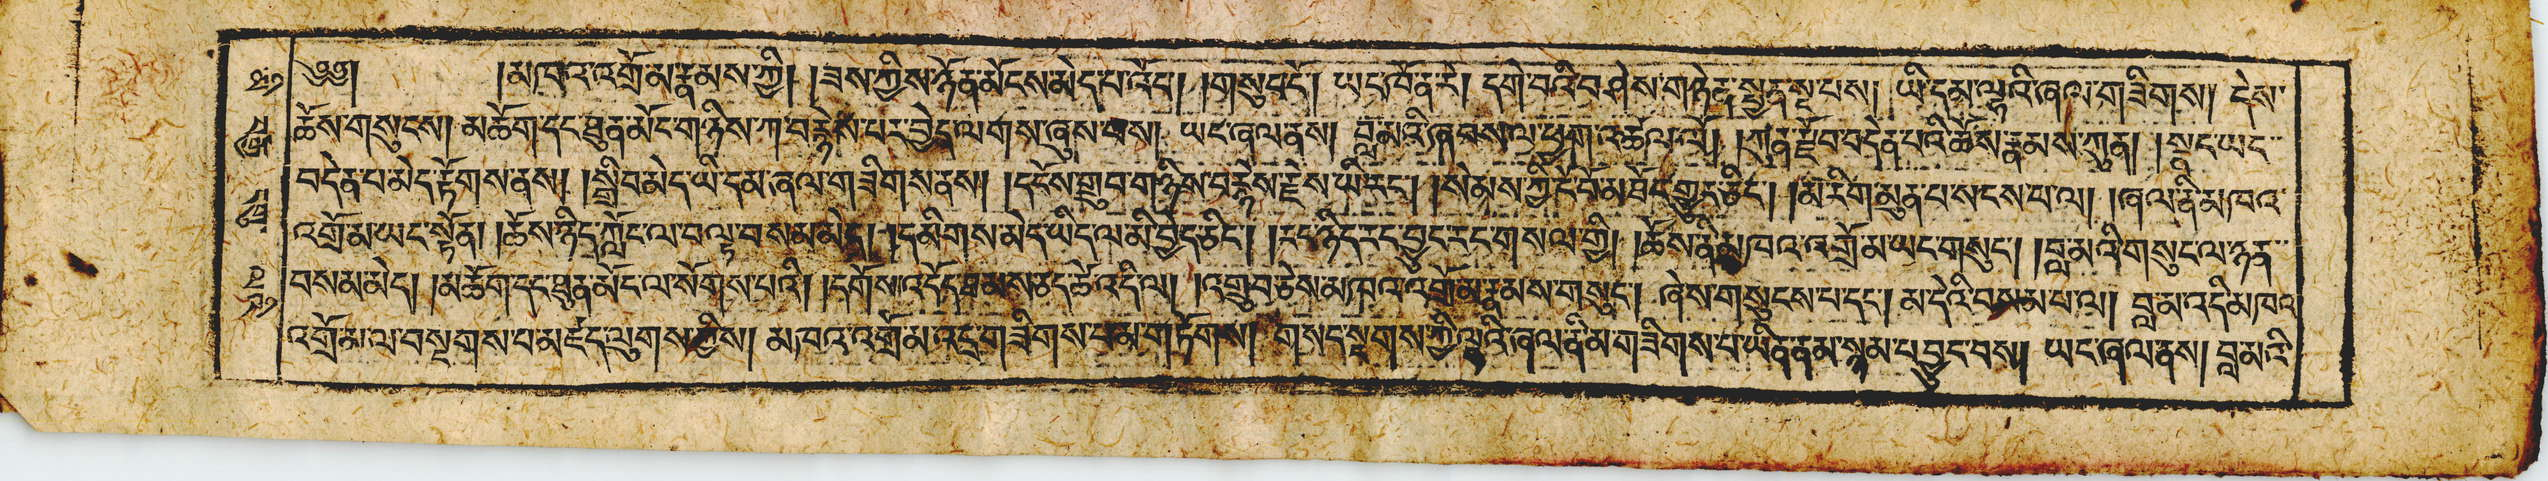མ་རྣམས་ཀྱི། །ཟས་ཀྱིས་ཉོན་མོངས་མེད་པ་འོང་། །གསུང་ངོ་། ཡང་ཁོན་རེ། དགེ་བའི་བཤེས་གཉེན་སྤྱན་སྔ་པས། ཡི་དམ་ལྷའི་ཞལ་གཟིགས། དེས་
ཆོས་གསུངས། མཆོག་དང་ཐུན་མོང་གཉིས་ཀ་བརྙེས་པར་བྱེད་ལགས་ཞུས་པས། ཡང་ཞལ་ནས། བླ་མའི་ཞབས་ལ་ཕྱག་འཚལ་ལོ། །ཀུན་རྫོབ་བདེན་པའི་ཆོས་རྣམས་ཀུན། །སྣང་ཡང་
བདེན་པ་མེད་རྟོགས་ནས། །སྒྲིབ་མེད་ཡི་དམ་ཞལ་གཟིགས་ནས། །དངོས་གྲུབ་གཉིས་བརྙེས་རྗེས་ཡི་རང་། །སེམས་ཀྱི་ངོ་བོ་མཐོང་གྱུར་ཅིང་། །མ་རིག་མུན་པ་སངས་པ་ལ། །ཞལ་ནི་མཁའ་
འགྲོ་མ་ཡང་སྟོན། །ཆོས་ཉིད་ཀློང་ལ་བལྟ་བསམ་མེད། །དམིགས་མེད་ཡིད་ལ་མ་བྱེད་ཅིང་། །རང་ཉིད་རང་བྱུང་རང་གསལ་གྱི། །ཆོས་ནི་མཁའ་འགྲོ་མ་ཡང་གསུང་། །བླ་མའི་གསུང་ལ་ཉན་
བསམ་མེད། །མཆོག་དང་ཐུན་མོང་ལ་སོགས་པའི། །དགོས་འདོད་ཐམསཅད་ཚེ་འདི་ལ། །འགྲུབ་ཅེས་མཁའ་འགྲོ་མ་རྣམས་གསུང་། ཞེས་གསུངས་པ་དང་། མི་དེའི་བསམ་པ་ལ། བླ་མ་འདི་མཁའ་
འགྲོ་མ་ལ་བསྔགས་པ་མཛད་ལུགས་ཀྱིས། མཁའ་འགྲོ་མ་འདྲ་གཟིགས་པ་མ་གཏོགས། གསང་སྔགས་ཀྱི་ལྷའི་ཞལ་ནི་མ་གཟིགས་པ་ཡིན་ནམ་སྙམ་པ་བྱུང་བས། ཡང་ཞལ་ནས། བླ་མའི་